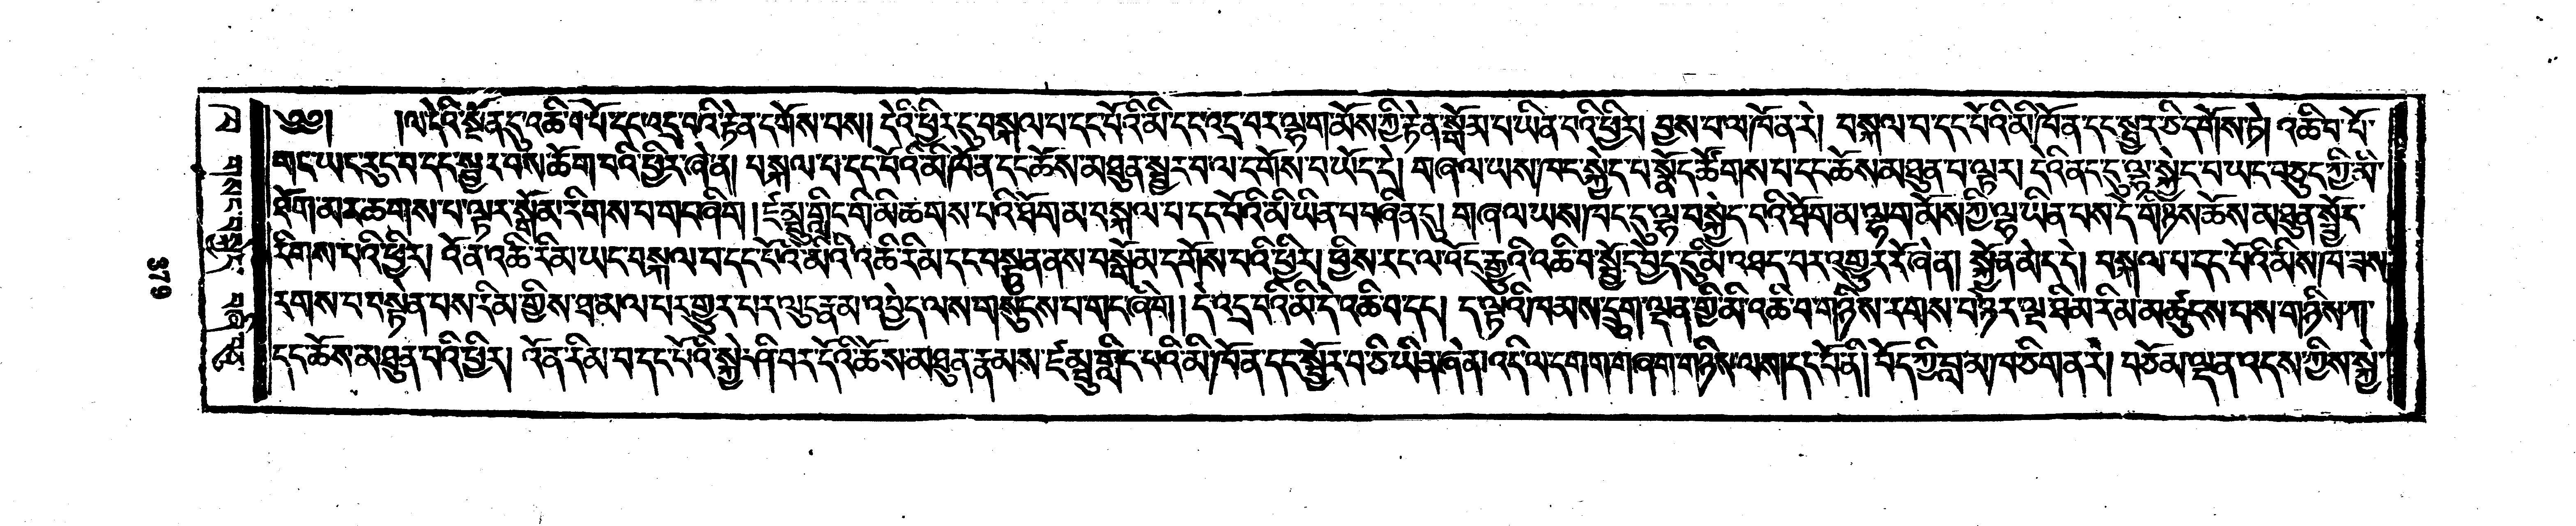༄༅། །ལ་དེའི་སྔོན་དུ་འཆི་བ་པོ་དང་འདྲ་བའི་རྟེན་དགོས་པས། དེའི་ཕྱིར་དུ་བསྐལ་པ་དང་པོའི་མི་དང་འདྲ་བར་ལྷག་མོས་ཀྱི་རྟེན་སྒོམ་པ་ཡིན་པའི་ཕྱིར། བྱས་པ་ལ་ཁོ་ན་རེ། བསྐལ་པ་དང་པོའི་མི་ཁོ་ན་དང་སྦྱར་ཅི་དགོས་ཏེ། འཆི་བ་པོ་
གང་ཡང་རུང་བ་དང་སྦྱར་བས་ཆོག་པའི་ཕྱིར་ཞེ་ན། བསྐལ་བ་དང་པོའི་མི་ཁོ་ན་དང་ཆོས་མཐུན་སྦྱར་བ་ལ་དགོས་པ་ཡོད་དེ། གཞལ་ཡས་ཁང་སྐྱེད་བ་སྣོད་ཚོགས་པ་དང་ཆོས་མཐུན་པ་ལྟར། དེའི་ནང་དུ་ལྷ་སྐྱེད་པ་ཡང་བཅུད་ཀྱི་མི་
ཐོག་མར་ཆགས་པ་ལྟར་སྒོམ་རིགས་པ་གང་ཞིག །ཛམྦུ་གླིང་གི་མི་ཆགས་པའི་ཐོག་མ་བསྐལ་པ་དང་པོའི་མི་ཡིན་པ་བཞིན་དུ། གཞལ་ཡས་ཁང་དུ་ལྷ་བསྐྱེད་པའི་ཐོག་མ་ལྷག་མོས་ཀྱི་ལྷ་ཡིན་པས་དེ་གཉིས་ཆོས་མཐུན་སྦྱོར་
རིགས་པའི་ཕྱིར། འོ་ན་འཆི་མིམ་ཡང་བསྐལ་པ་དང་པོའི་མིའི་འཆི་རིམ་དང་བསྟུན་ནས་བསྒོམ་དགོས་པའི་ཕྱིར་ཕྱིས་རང་ལ་འོང་རྒྱུའི་འཆི་བ་སྤྱོད་བྱེད་དུ་མི་འཐད་པར་འགྱུར་རོ་ཞེ་ན། སྐྱོན་མེད་དེ། བསྐལ་བ་དང་པོའི་མིས་ཁ་ཟས་
རགས་པ་བསྟེན་པས་རིམ་གྱིས་ཐ་མལ་པར་གྱུར་པར་ལུང་རྣམ་འབྱེད་ལས་གསུངས་པ་གང་ཞིག །དེ་འདྲ་བའི་མི་དེ་འཆི་བ་དང་། ད་ལྟའི་ཁམས་དྲུག་ལྡན་གྱི་མི་འཆི་བ་གཉིས་རགས་པ་ཉེར་ལྔ་ཐིམ་རིམ་མཚུངས་པས་གཉིས་ཀ་
དང་ཆོས་མཐུན་པའི་ཕྱིར། འོ་ན་རིམ་པ་དང་པོའི་སྐྱེ་ཤི་བར་དོའི་ཆོས་མཐུན་རྣམས་ཛམྦུ་གླིང་པའི་མི་ཁོ་ན་དང་སྦྱོར་བ་ཅི་ཡིན་ཞེ་ན། འདི་ལ་དགག་གཞག་གཉིས་ལས། དང་པོ་ནི། བོད་ཀྱི་བླ་མ་ཁ་ཅིག་ན་རེ། བཅོམ་ལྡན་འདས་ཀྱིས་སྐྱེ་